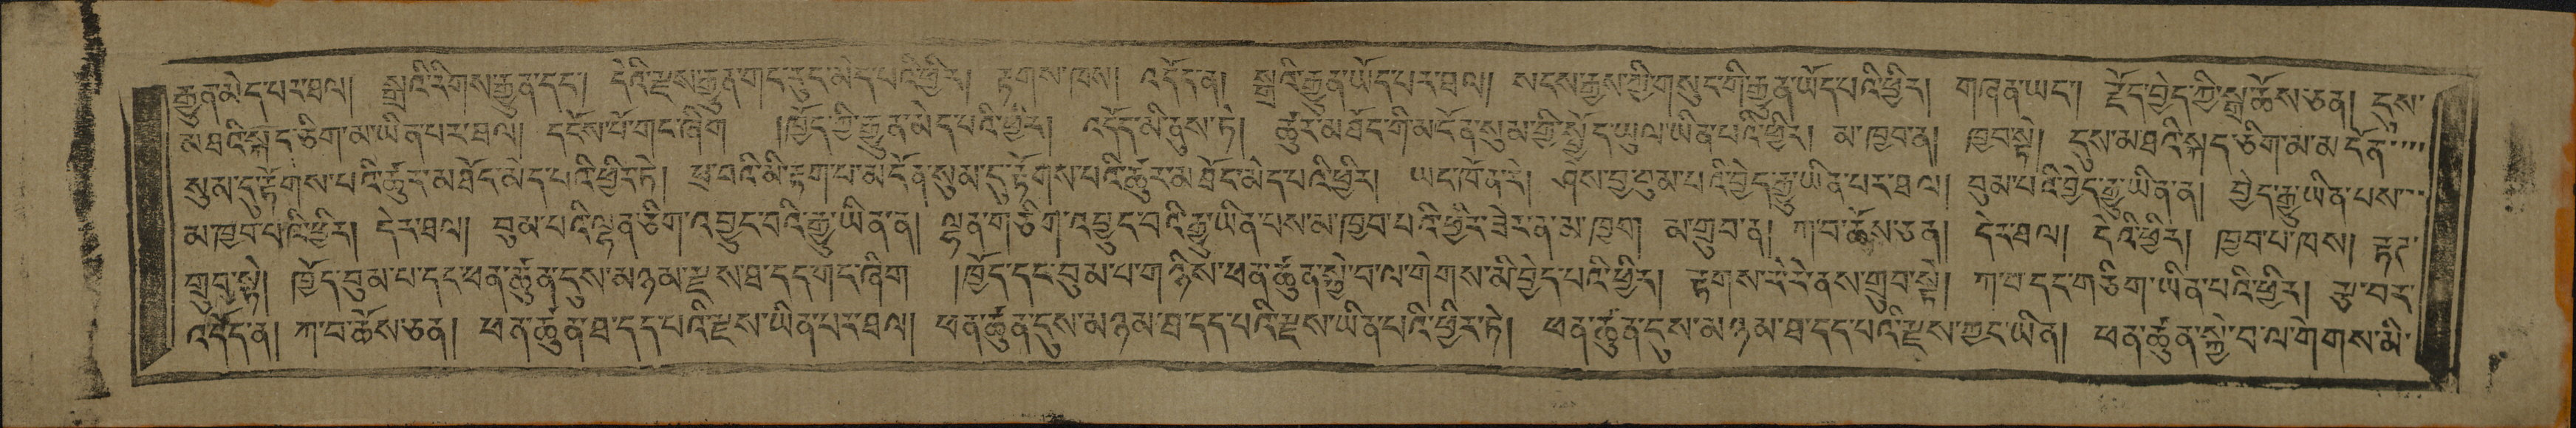རྒྱུན་མེད་པར་ཐལ། སྒྲའི་རིགས་རྒྱུན་དང་། དེའི་རྫས་རྒྱུན་གང་རུང་མེད་པའི་ཕྱིར། རྟགས་ཁས། འདོད་ན། སྒྲའི་རྒྱུན་ཡོད་པར་ཐལ། སངས་རྒྱས་ཀྱི་གསུང་གི་རྒྱུན་ཡོད་པའི་ཕྱིར། གཞན་ཡང་། རྗོད་བྱེད་ཀྱི་སྒྲ་ཆོས་ཅན། དུས་
མཐའི་སྐད་ཅིག་མ་ཡིན་པར་ཐལ། དངོས་པོ་གང་ཞིག །ཁྱོད་ཀྱི་རྒྱུན་མེད་པའི་ཕྱིར། འདོད་མི་ནུས་ཏེ། ཚུར་མཐོང་གི་མངོན་སུམ་གྱི་སྤྱོད་ཡུལ་ཡིན་པའི་ཕྱིར། མ་ཁྱབ་ན། ཁྱབ་སྟེ། དུས་མཐའི་སྐད་ཅིག་མ་མངོན་
སུམ་དུ་རྟོགས་པའི་ཚུར་མཐོང་མེད་པའི་ཕྱིར་ཏེ། ཕྲ་བའི་མི་རྟག་པ་མངོན་སུམ་དུ་རྟོགས་པའི་ཚུར་མཐོང་མེད་པའི་ཕྱིར། ཡང་ཁོ་ན་རེ། ཤེས་བྱ་བུམ་པའི་བྱེད་རྒྱུ་ཡིན་པར་ཐལ། བུམ་པའི་བྱེད་རྒྱུ་ཡིན་ན། བྱེད་རྒྱུ་ཡིན་པས་
མ་ཁྱབ་པའི་ཕྱིར། དེར་ཐལ། བུམ་པའི་ལྷན་ཅིག་འབྱུང་བའི་རྒྱུ་ཡིན་ན། ལྷན་གཅིག་འབྱུང་བའི་རྒྱུ་ཡིན་པས་མ་ཁྱབ་པའི་ཕྱིར་ཟེར་ན་མ་ཁྱབ། མ་གྲུབ་ན། ཀ་བ་ཆོས་ཅན། དེར་ཐལ། དེའི་ཕྱིར། ཁྱབ་པ་ཁས། རྟགས་
གྲུབ་སྟེ། ཁྱོད་བུམ་པ་དང་ཕན་ཚུན་དུས་མཉམ་རྫས་ཐ་དད་གང་ཞིག །ཁྱོད་དང་བུམ་པ་གཉིས་ཕན་ཚུན་སྐྱེ་བ་ལ་གེགས་མི་བྱེད་པའི་ཕྱིར། རྟགས་རེ་རེ་ནས་གྲུབ་སྟེ། ཀ་བ་དང་གཅིག་ཡིན་པའི་ཕྱིར། རྩ་བར་
འདོད་ན། ཀ་བ་ཆོས་ཅན། ཕན་ཚུན་ཐ་དད་པའི་རྫས་ཡིན་པར་ཐལ། ཕན་ཚུན་དུས་མཉམ་ཐ་དད་པའི་རྫས་ཡིན་པའི་ཕྱིར་ཏེ། ཕན་ཚུན་དུས་མཉམ་ཐ་དད་པའི་རྫས་ཀྱང་ཡིན། ཕན་ཚུན་སྐྱེ་བ་ལ་གེགས་མི་